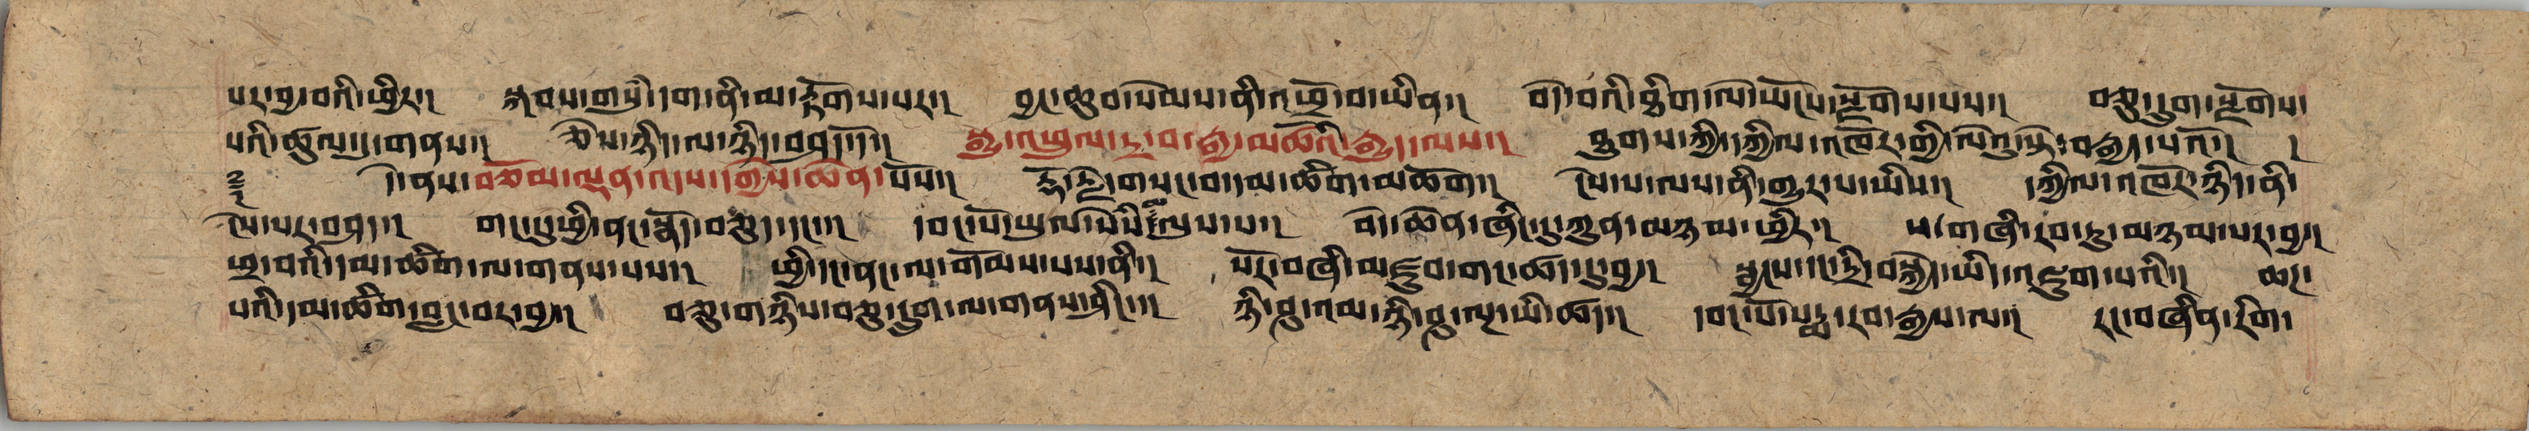པར་བྱ་བའི་ཕྱིར་། སྐབས་གསུཾ་དག་ནི་མ་རྟོགས་པར་། བྱང་ཆུབ་སེམས་ནི་འཕྲོ་བ་ཡིན་། བདེ་བའི་ཐིག་ལེ་ཡོངས་སྫོགས་པས་། བཅུ་དྲུག་སྫོགས་
པའི་ཚུལ་དུ་གནས་། ཅེས་ཉིད་ལ་ཉིད་བཤད་དོ་། སྒྱུ་འཕྲུལ་དྲ་བ་རྒྱ་མཚོའི་རྒྱུད་ལས་། ཐུགས་ཀྱི་དཀྱིལ་འཁོར་གྱི་ལེའུ་སྟེ་བརྒྱད་པའོ་།
࿑ དེ་ནས་བཅོམ་ལྡན་འདས་དགྱེས་ཆེན་པོས་། རྡོ་རྗེ་གསང་བ་དམ་ཚིག་མཆོག་། ངེས་པ་ལས་ནི་གྱུར་པ་ཡིས་། དཀྱིལ་འཁོར་ཉིད་ནི་
ངེས་པར་བཤད་། གང་དུ་ཕྱི་ནང་སྣོད་བཅུད་དང་་། དབང་པོ་ཡུལ་སེསཾ་ལུས་པ་། བདེ་ཆེན་ཞིང་དུ་ཀུན་མཉམ་ཕྱིར་། ས་གཞི་རབ་ཏུ་མཉམ་པར་བྱ་།
ཕྲ་བའི་དམ་ཚིག་ལ་གནས་པས་། ཕྱི་དང་ནང་ལ་གོམས་པས་ནི་། སོར་བཞི་མཛུབ་གང་ཚད་དུ་བྱ་། སྦྱངས་དང་དྲི་བསྐྱེད་ཡིད་འཇུག་པའི་། ཆཌ་
པའི་དམ་ཚིག་བླང་བར་བྱ་། བཅུ་གཉིས་བཅུ་དྲུག་ལ་གནས་ཤིང་་། ཉི་ཤུ་འམ་ཉི་ཤུ་ལྔ་ཡི་ཚད་། དབང་པོ་པདྨ་རབ་རྒྱས་ལ་། རང་བཞིིན་རིག་